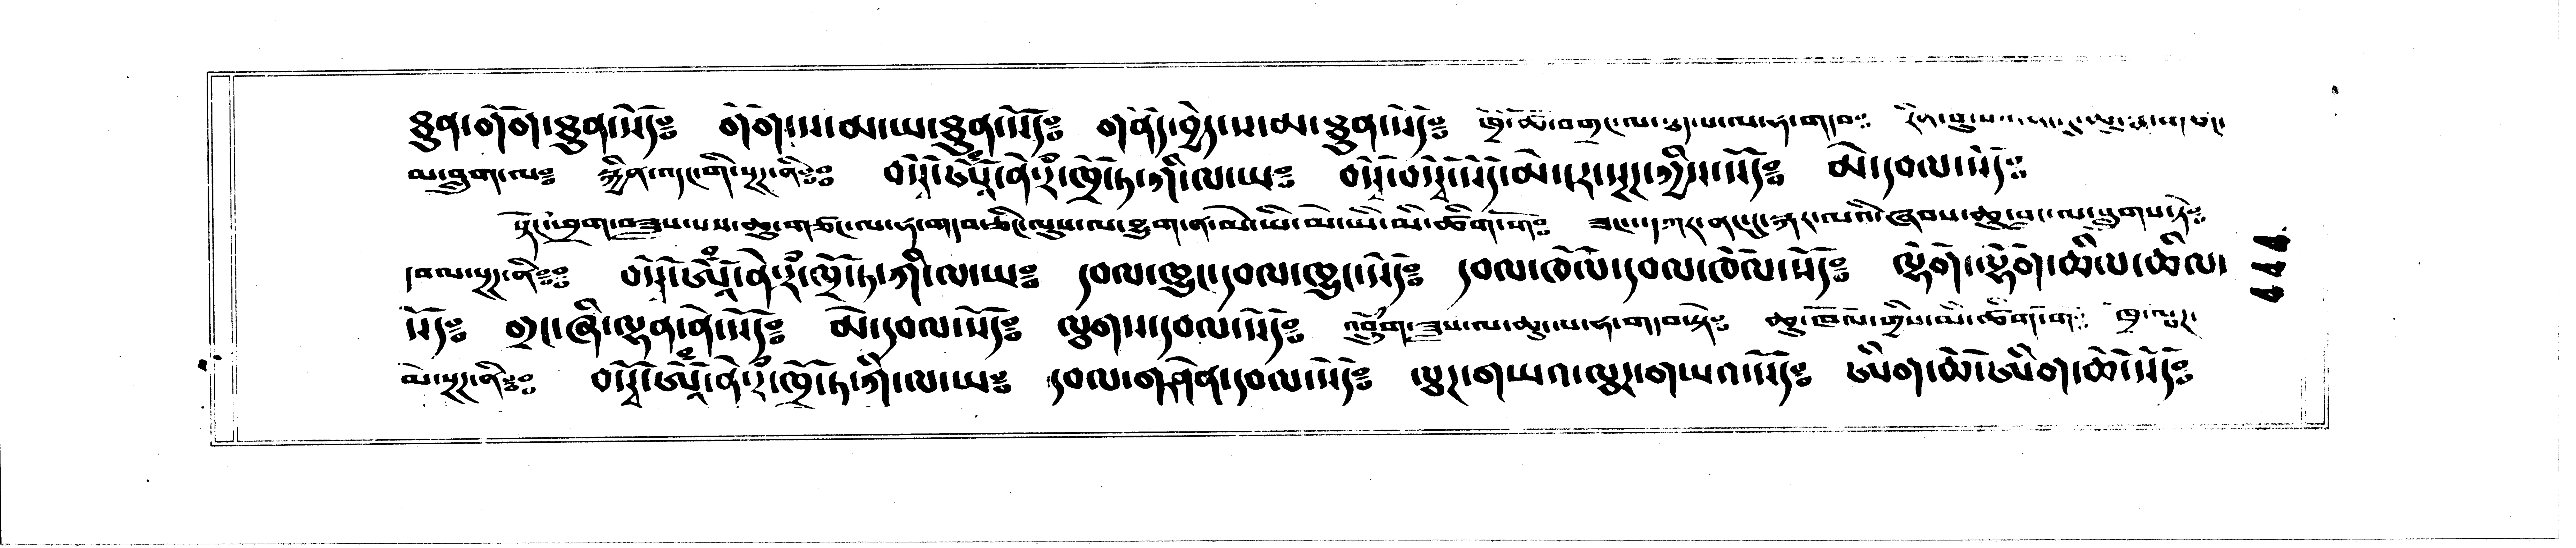ཐུག་གོག་ཐུན་སོད༔གོག་ས་མ་ཡ་ཐུན་སོད༔གནོད་བྱེད་ས་མ་ཡ་ཐུན་སོད༔ཁྲི་ཚོ་བགྲང་ལ་ཐོད་པ་ལ་ཧ་གདབ༔རིན་ཆེན་བུམ་པའི་ནང་དུ་ཆུ་སྣ་གཙང་
མ་བླུག་ལ༔སྐྱིན་འདང་གི་སྔགས་ནི༔༔བསྭོ་ཨཱོཾ་ནེ་རཾ་ཁྲོ་ཏ་ཀི་ལ་ཡ༔བསྭོ་བསྭོ་སོད་མེ་ངར་སྔགས་ཀྱིས་སོད༔མེ་དབལ་སོད༔
སྟོང་ཕྲག་བཟླས་པས་ཆུ་གཙང་ལ་ཧ་གདབ་ཅིང་ལུས་ལ་ཐུག་ན་མེ་ཡིས་མི་ཚིག་གོ༔ཟངས་དཀར་ནང་དུ་སྐར་མའི་ཞབས་ཆུ་བླང་ལ་བླུགས་ཏེ༔
དབལ་སྔགས་ནི༔ བསྭོ་ཨཱོཾ་ནེ་རཾ་ཁྲོ་ཏ་ཀི་ལ་ཡ༔དབལ་ཁྱུང་དབལ་ཁྱུང་སོད༔དབལ་ཁོལ་དབལ་ཁོལ་སོད༔ལྷོག་ལྷོག་ཆིལ་ཆིལ་
སོད༔གྲང་ཞི་ལྷན་ནེ་སོད༔མེ་དབལ་སོད༔ལྕགས་དབལ་སོད༔ འབུམ་ཕྲག་ཟླས་ལ་ཆུ་ལ་ཧ་གདབ་སྟེ༔ཆུ་ཁོལ་གྱིས་མི་ཚིག་གོ༔ཁྲོ་ལྕགས་
མེ་སྔགས་ནི༔༔བསྭོ་ཨཱོཾ་ནེ་རཾ་ཁྲོ་ཏ་ཀི་ལ་ཡ༔དབལ་གཤེན་དབལ་སོད༔ལྕགས་གཡའ་ལྕགས་གཡའ་སོད༔ཨིག་ཆོ་ཨིག་ཆོ་སོད༔